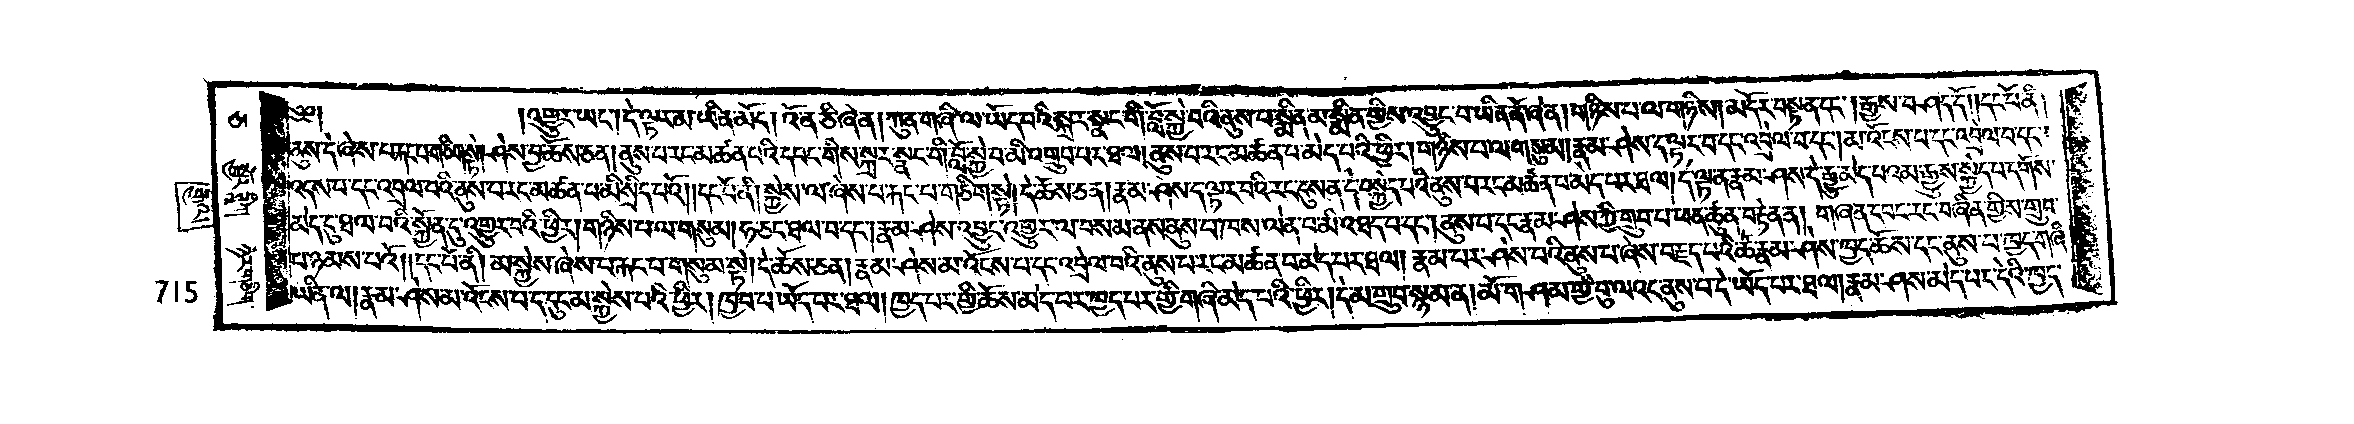༄༅། །འགྱུར་ཡང་། དེ་ལྟར་མ་ཡིན་མོད། འོ་ན་ཅི་ཞེ་ན། ཀུན་གཞི་ལ་ཡོད་པའི་སྐྲར་སྣང་གི་བློ་སྐྱེ་བའི་ནུས་པ་སྨིན་མ་སྨིན་གྱིས་འབྱུང་བ་ཡིན་ནོ་ཞེ་ན། གཉིས་པ་ལ་གཉིས། མདོར་བསྟན་དང་། རྒྱས་བཤད་དོ། །དང་པོ་ནི།
ནུས་དེ་ཞེས་པ་རྐང་པ་གཅིག་སྟེ། ཤེས་བྱ་ཆོས་ཅན། ནུས་པ་རང་མཚན་པའི་དབང་གིས་སྐྲར་སྣང་གི་བློ་སྐྱེ་བ་མི་འགྲུབ་པར་ཐལ། ནུས་པ་རང་མཚན་པ་མེད་པའི་ཕྱིར། གཉིས་པ་ལ་གསུམ། རྣམ་ཤེས་ད་ལྟར་བ་དང་འབྲེལ་བ་དང་། མ་འོངས་པ་དང་འབྲེལ་བ་དང་
འདས་པ་དང་འབྲལ་བའི་ནུས་པ་རང་མཚན་པ་མི་སྲིད་པའོ། །དང་པོ་ནི། སྐྱེས་ལ་ཞེས་པ་རྐང་པ་གཅིག་སྟེ། དེ་ཆོས་ཅན། རྣམ་ཤེས་ད་ལྟར་བའི་རང་དུས་ན་དེ་བསྐྱེད་པའི་ནུས་པ་རང་མཚན་པ་མེད་པར་ཐལ། དེ་ལྟ་ན་རྣམ་ཤེས་དེ་རྒྱུ་མེད་པའམ་རྒྱུས་སྐྱེད་པ་དགོས་
མེད་དུ་ཐལ་བའི་སྐྱོན་དུ་འགྱུར་བའི་ཕྱིར། གཉིས་པ་ལ་གསུམ། ཧ་ཅང་ཐལ་བ་དང་། རྣམ་ཤེས་འབྱུང་འགྱུར་ལ་བསམ་ནས་ནུས་པ་ཁས་ལེན་པ་མི་འཐད་པ་དང་། ནུས་པ་དང་རྣམ་ཤེས་ཀྱི་གྲུབ་པ་ཕན་ཚུན་བརྟེན་ན། གཞན་དབང་རང་བཞིན་གྱིས་གྲུབ་
པ་ཉམས་པའོ། །དང་པོ་ནི། མ་སྐྱེས་ཞེས་པ་རྐང་པ་གསུམ་སྟེ། དེ་ཆོས་ཅན། རྣམ་ཤེས་མ་འོངས་པ་དང་འབྲེལ་བའི་ནུས་པ་རང་མཚན་པ་མེད་པར་ཐལ། རྣམ་པར་ཤེས་པའི་ནུས་པ་ཞེས་བརྗོད་པའི་ཚེ་རྣམ་ཤེས་ཁྱད་ཆོས་དང་ནུས་པ་ཁྱད་གཞི་
ཡིན་ལ། རྣམ་ཤེས་མ་འོངས་པ་ད་དུང་མ་སྐྱེས་པའི་ཕྱིར། ཁྱབ་པ་ཡོད་པར་ཐལ། ཁྱད་པར་གྱི་ཆོས་མེད་པར་ཁྱད་པར་གྱི་གཞི་མེད་པའི་ཕྱིར། དེ་མ་གྲུབ་སྙམ་ན། མོ་གཤམ་གྱི་བུ་ལའང་ནུས་པ་དེ་ཡོད་པར་ཐལ། རྣམ་ཤེས་མེད་པར་དེའི་ཁྱད་